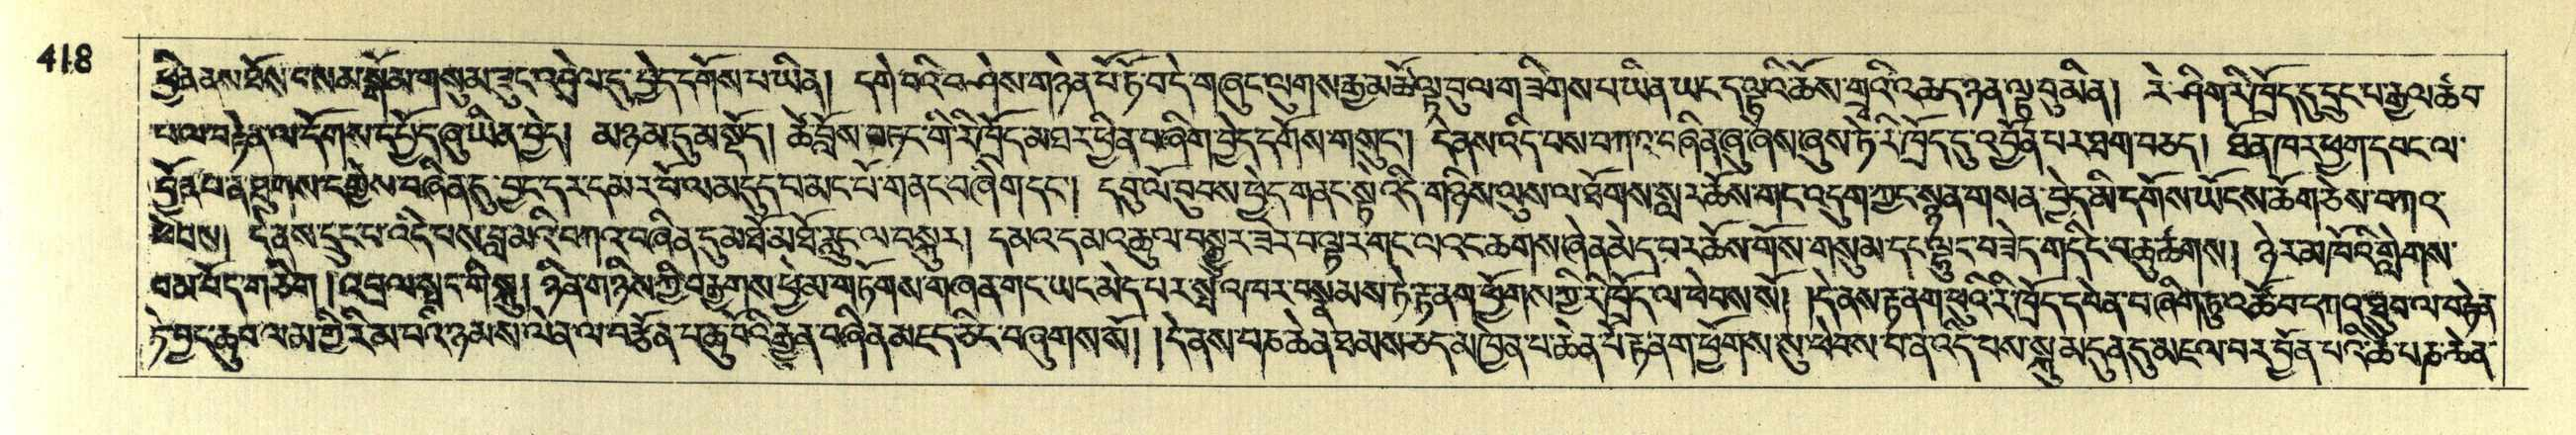ཕྱིན་ནས་ཐོས་བསམ་སྒོམ་གསུམ་ཟུང་འབྲེལ་དུ་བྱེད་དགོས་པ་ཡིན། དགེ་བའི་བཤེས་གཉེན་པོ་ཏོ་བདེ་གཞུང་ལུགས་རྒྱ་མཚོ་ལྟ་བུ་ལ་གཟིགས་པ་ཡིན་ཡང་ད་ལྟའི་ཆོས་གྲྭའི་འཆད་ཉན་ལྟ་བུ་མིན། རེ་ཤིག་རི་ཁྲོད་དུ་དྲུང་པ་རྒྱལ་ཚབ་
པ་ལ་བརྟེན་ལ་དོགས་དཔྱོད་ཞུ་ཡིན་བྱེད། མཉམ་དུ་མ་སྡོད། ཚེ་བློས་བཏང་གི་རི་ཁྲོད་མཐར་ཕྱིན་བ་ཞིག་བྱེད་དགོས་གསུང་། དེ་ནས་འདི་བས་བཀའ་བཞིན་ཞུ་ཞེས་ཞུས་ཏེ་རི་ཁྲོད་དུ་འབྱོན་པར་ཐག་བཅད། ཐོན་ཁར་ཕྱག་དབང་ལ་
བྱོན་པ་ན་ཐུགས་དགྱེས་བཞིན་དུ་བྱང་དར་དམར་པོ་ལ་མདུད་བ་མང་པོ་གནང་བཞིག་དང་། དབུ་ལོ་བུབས་ཕྱེད་གནང་སྟེ་འདི་གཉིས་ལུས་ལ་ཐོགས་སླར་ཆོས་གང་འདུག་ཀྱང་སྙན་གསན་བྱེད་མི་དགོས་ཡོངས་ཆོག་ཅེས་བཀའ་
ཕེབས། དེ་ནས་དྲུང་པ་འདི་པས་བླ་མའི་བཀའ་བཞིན་དུ་མཐོ་མཐོ་རླུང་ལ་བསྐུར། དམའ་དམའ་ཆུལ་བསྒྱུར་ཟེར་བ་ལྟར་གང་ལའང་ཆགས་ཞེན་མེད་བར་ཆོས་གོས་གསུམ་དང་ལྷུང་བཟེད་གདིང་བ་ཆུ་ཚགས། ཉེར་མཁོའི་གླེགས་
བམ་བོད་གཅིག །འབྲལ་སྤང་གི་སྐུ། ཉིན་གཉིས་ཀྱི་བརྒྱགས་ཕྱེ་མ་གཏོགས་གཞན་གང་ཡང་མེད་པར་སྤོ་འཁར་བསྣམས་ཏེ་རྟ་ནག་ཕྱོགས་ཀྱི་རི་ཁྲོད་ལ་ཕེབས་སོ། །དེ་ནས་རྟ་ནག་ཕུའི་རི་ཁྲོད་དབེན་བ་ཞིག་ཏུ་འཚོ་བ་དཀའ་ཐུབ་ལ་བརྟེན་
ཏེ་བྱང་ཆུབ་ལམ་གྱི་རིམ་པའི་ཉམས་ལེན་ལ་བརྩོན་པ་ཆུ་བོའི་རྒྱུན་བཞིན་མཇད་ཅིང་བཞུགས་སོ། །དེ་ནས་པཎ་ཆེན་ཐམས་ཅད་མཁྱེན་པཎ་ཆེན་པོ་རྟ་ནག་ཕྱོགས་སུ་ཕེབས་པ་ན་འདི་པས་སྐུ་མདུན་དུ་མཇལ་བར་བྱོན་པའི་ཚེ་པཎ་ཆེན་